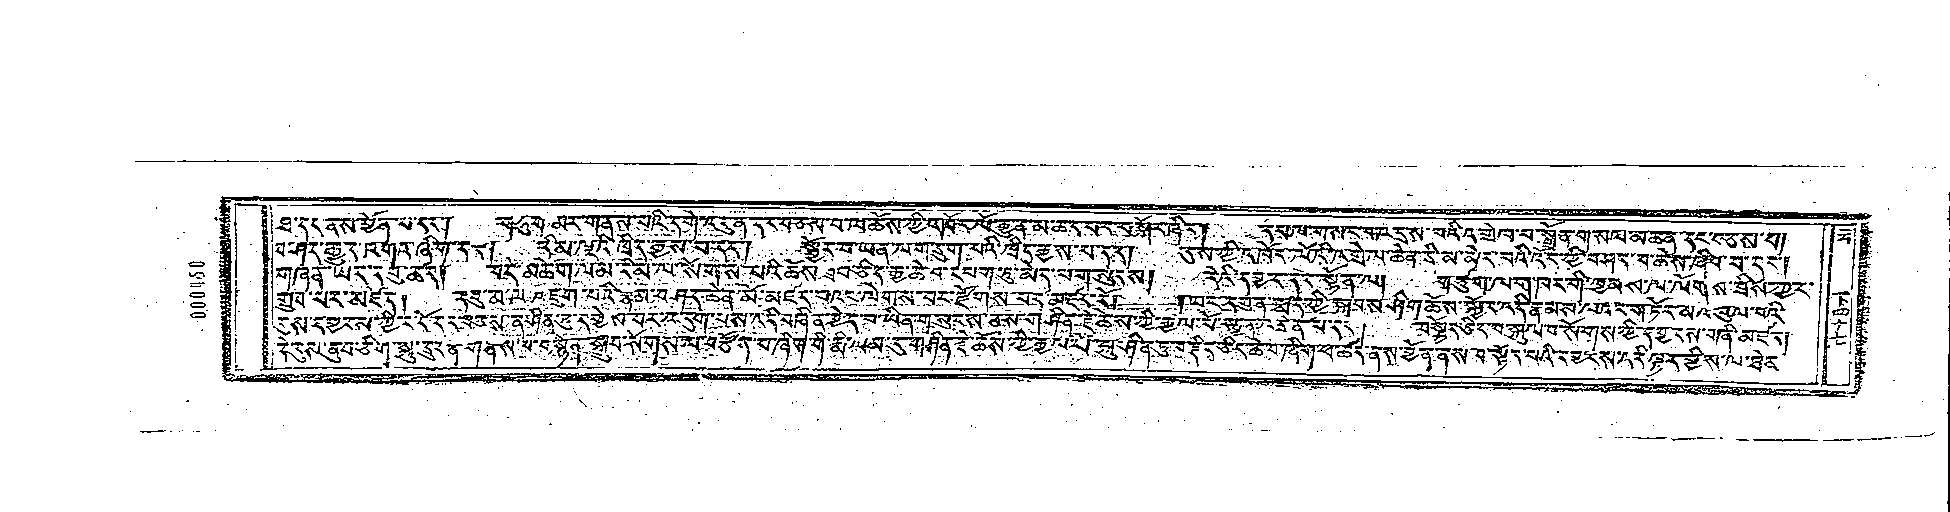ཐ་དང་ནས་བྱོན་པ་དང་། གཉུག་མར་གནས་པའི་དགེ་འདུན་དང་བཅས་པ་ལ་ཆོས་ཀྱི་འཁོར་ལོ་རྒྱུན་མ་ཆད་པར་བསྐོར་ཞིང་། དཔལ་གསང་བ་འདུས་པའི་འགྲེལ་བ་སྒྲོན་གསལ་མཚན་དང་བཅས་བ།
བཤད་རྒྱུད་འགའ་ཞིག་དང་། རིམ་ལྔའི་ཁྲིད་རྒྱས་པ་དང་། སྦྱོར་བ་ཡན་ལག་དྲུག་པའི་ཁྲིད་རྒྱས་པ་དང་། དུས་ཀྱི་འཁོར་ལོའི་འགྲེལ་ཆེན་དྲི་མ་མེད་བའི་འོད་ཀྱི་བཤད་བ་ཆེས་ཞིབ་བ་དང་།
གཞན་ཡང་དབུ་ཚང་། བདེ་མཆོག་ལམ་རིམ་ལ་སོགས་པའི་ཆོས་ཟབ་ཅིང་རྒྱ་ཆེ་བ་དཔག་ཏུ་མེད་པ་གསུངས། དེའི་དབྱར་དང་སྟོན་ལ། གཙུག་ལག་ཁང་གི་ཁྱམས་ལ་ལོགས་བྲིས་ཀྱང་
གྲུབ་པར་མཛད། དབུ་མ་ལ་འཇུག་པའི་རྣམ་བཤད་ཆེན་མོ་མཛད་བའང་ལེགས་པར་རྫོགས་བར་མཛད་དོ། །ཡང་དགུན་སྨད་ཀྱི་སྐབས་ཤིག་ཆོས་སྐྱོང་འདི་རྣམས་ལའང་གཏོར་མ་འབུལ་བའི་
དུས་དབྱངས་ཀྱི་ང་ངོ་དང་བཅས་ན་ཤིན་ཏུ་དགྱེས་པར་འདུག་པས་འདི་བཞིན་བྱེད་པ་ཡིན་གསུངས་ནས་གཤིན་རྗེ་ཆོས་ཀྱི་རྒྱལ་པོ་སྤྱན་འདྲེན་པ་དང་། བསྟོད་ཅིང་བསྐུལ་བ་སོགས་ཀྱི་དབྱངས་བཞི་མཛད།
དེ་དུས་ནུབ་ཅིག་སྐུ་དྲུང་ན་གནས་པ་བསྙེན་སྒྲུབ་སོགས་ལ་བརྩོན་པ་ཞིག་གི་རྨི་ལམ་དུ་གཤིན་རྗེ་ཆོས་ཀྱི་རྒྱལ་པོ་སྐུ་ཤིན་ཏུ་བརྗིད་ཅིང་ཆེ་བ་ཞིག་ཕ་ཚད་ནས་བྱོན་ནས་བསྟོད་པའི་དབྱངས་འདི་ལྟར་བྱིས་ལ་ཐེན་